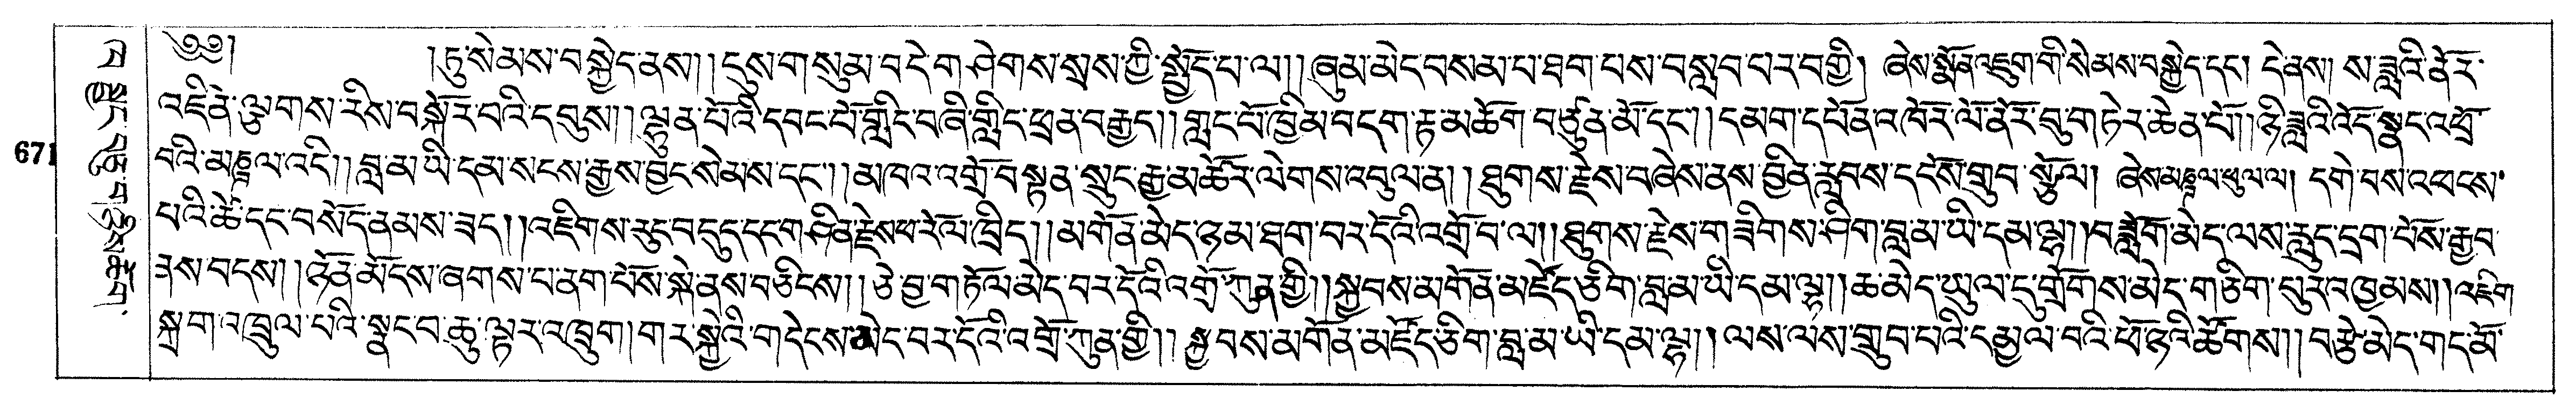༄༅། །ཏུ་སེམས་བསྐྱེད་ནས། །དུས་གསུམ་བདེ་གཤེགས་སྲས་ཀྱི་སྤྱོད་པ་ལ། །ཞུམ་མེད་བསམ་པ་ཐག་པས་བསླབ་པར་བགྱི། ཞེས་སྨོན་འཇུག་གི་སེམས་བསྐྱེད་དང་། དེ་ནས། ས་ཟླའི་ནོར་
འཛིན་ལྕགས་རིས་བསྐོར་བའི་དབུས། །ལྷུན་པོའི་དབང་པོ་གླིང་བཞི་གླིང་ཕྲན་བརྒྱད། །གླང་པོ་ཁྱིམ་བདག་རྟ་མཆོག་བཙུན་མོ་དང་། །དམག་དཔོན་འཁོར་ལོ་ནོར་བུ་གཏེར་ཆེན་པོ། །ཉི་ཟླའི་འོད་སྣང་འཕྲོ་
བའི་མཎྜལ་འདི། །བླ་མ་ཡི་དམ་སངས་རྒྱས་བྱང་སེམས་དང་། །མཁའ་འགྲོ་བསྟན་སྲུང་རྒྱ་མཚོར་ལེགས་འབུལ་ན། །ཐུགས་རྗེས་བཞེས་ནས་བྱིན་རླབས་དངོས་གྲུབ་སྩོལ། ཞེས་མཎྜལ་ཕུལ་ལ། དགེ་བས་འཕངས་
པའི་ཚེ་དང་བསོད་ནམས་ཟད། །འཇིགས་རུང་བདུད་དང་གཤིན་རྗེས་ཕ་རོལ་ཁྲིད། །མགོན་མེད་ཉམ་ཐག་བར་དོའི་འགྲོ་བ་ལ། །ཐུགས་རྗེས་གཟིགས་ཤིག་བླ་མ་ཡི་དམ་ལྷ། །བཟློག་མེད་ལས་རླུང་དྲག་པོས་རྒྱབ་
ནས་བདས། །ཉོན་མོངས་ཞགས་པ་ནག་པོས་སྐེ་ནས་བཅིངས། །ཅེ་བྱ་གཏོལ་མེད་བར་དོའི་འགྲོ་ཀུན་གྱི། །སྐྱབས་མགོན་མཛོད་ཅིག་བླ་མ་ཡི་དམ་ལྷ། །ཆ་མེད་ཡུལ་དུ་གྲོགས་མེད་གཅིག་པུར་འཁྱམས། །འཇིག་
སྐྲག་འཁྲུལ་པའི་སྣང་བ་ཆུ་ལྟར་འཁྲུག །གར་སྐྱེའི་གདེངས་མེད་བར་དོའི་འགྲོ་ཀུན་གྱི། །སྐྱབས་མགོན་མཛོད་ཅིག་བླ་མ་ཡི་དམ་ལྷ། །ལས་ལས་གྲུབ་པའི་དམྱལ་བའི་ཕོ་ཉའི་ཚོགས། །བརྩེ་མེད་གད་མོ་